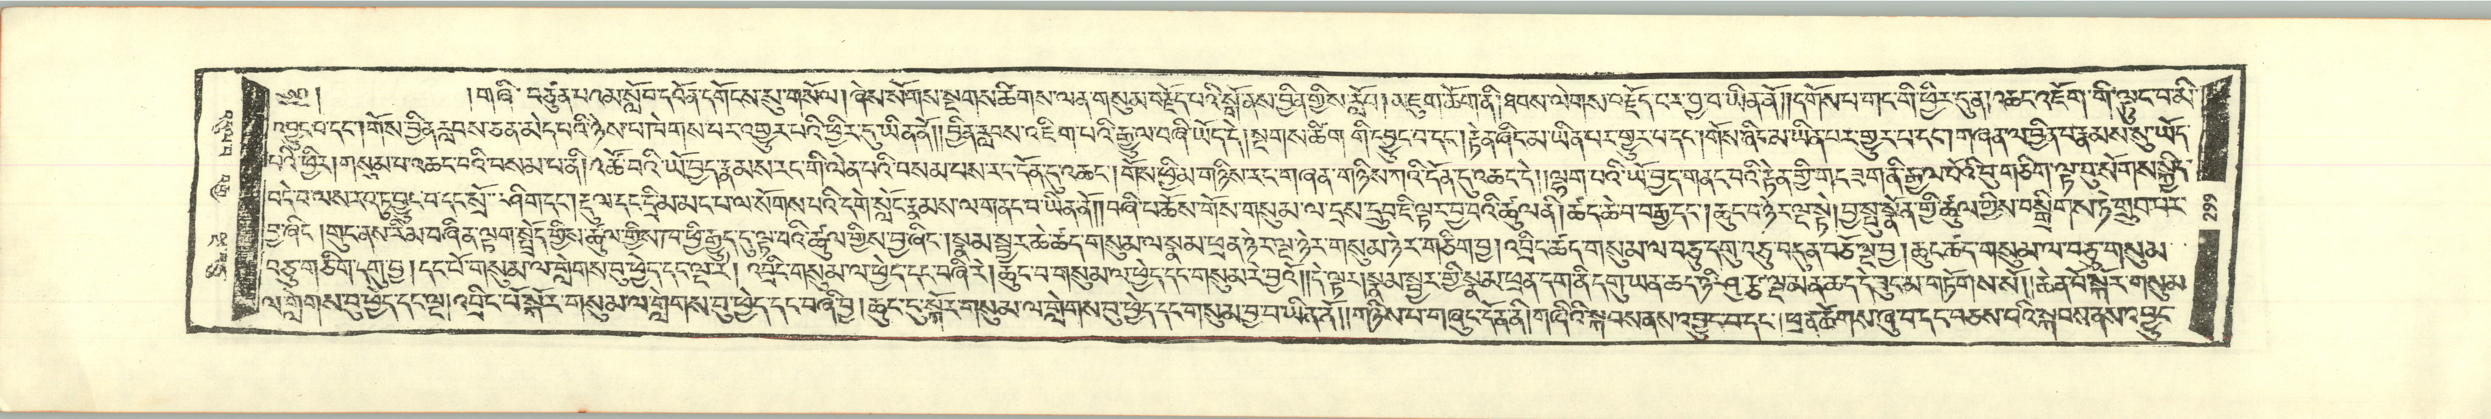༄༅། །གཞི་བཙུན་པའམ་སློབ་དཔོན་དགོངས་སུ་གསོལ། ཞེས་སོགས་སྔགས་ཚིགས་ལན་གསུམ་བརྗོད་པའི་སྒོ་ནས་བྱིན་གྱིས་རློབ། མཇུག་ཆོག་ནི། ཐབས་ལེགས་བརྗོད་པར་བྱ་བ་ཡིན་ནོ། །དགོས་པ་གང་གི་ཕྱིར་དུ་ན། འཆང་འཇོག་གི་ལྟུང་བ་མི་
འབྱུང་བ་དང་། གོས་བྱིན་རླབས་ཅན་མེད་པའི་ཉེས་པ་ཁེགས་པར་འགྱུར་པའི་ཕྱིར་དུ་ཡིན་ནོ། །བྱིན་རླབས་འཇིག་པའི་རྒྱུ་ལ་བཞི་ཡོད་དེ། སྔགས་ཚིག་གི་དབྱུང་བ་དང་། རྟེན་ཞིང་མ་ཡིན་པར་གྱུར་པ་དང་། གོས་ཞིང་མ་ཡིན་པར་གྱུར་བ་དང་། གཞན་ལ་བྱིན་པ་རྣམས་སུ་ཡོད་
པའི་ཕྱིར། གསུམ་པ་འཆང་བའི་བསམ་པ་ནི། འཚོ་བའི་ཡོ་བྱད་རྣམས་རང་གི་ལེན་པའི་བསམ་པས་རང་དོན་དུ་འཆང་། གོས་ཕྱི་མ་གཉིས་རང་གཞན་གཉིས་ཀའི་དོན་དུ་འཆང་དེ། །ལྷག་པའི་ཡོ་བྱད་གནང་བའི་རྟེན་གྱི་གང་ཟག་ནི་རྒྱལ་པོའི་བུ་གཅིག་ལྟ་བུ་སོགས་སྐྱིད་
བདེ་བ་ལས་རབ་ཏུ་བྱུང་བ་དང་སྲོ་ཤིག་དང་། རྡུལ་དང་དྲི་མ་མང་པ་ལ་སོགས་པའི་དགེ་སློང་རྣམས་ལ་གནང་བ་ཡིན་ནོ། །བཞི་པ་ཆོས་གོས་གསུམ་ལ་དྲས་དྲུབ་ཇི་ལྟར་བྱ་བའི་ཚུལ་ནི། ཚད་ཆེ་བ་བརྒྱ་དང་། ཆུང་བ་ཉེར་ལྔ་སྟེ། བྱ་སྤུ་སྣོན་གྱི་ཚུལ་གྱིས་བསྒྲིགས་ཏེ་གྲུབ་པར་
བྱ་ཞིང་། གུང་ནས་རིམ་བཞིན་ལྟག་སྤྲོད་གྱིས་ཚུལ་གྱིས་ཁ་ཕྱི་རྒྱུད་དུ་ལྟ་པའི་ཚུལ་གྱིས་བྱ་ཞིང་། སྣམ་སྦྱར་ཆེ་ཚད་གསུམ་ལ་སྣམ་ཕྲན་ཉེར་ལྔ་ཉེར་གསུམ་ཉེར་གཅིག་བྱ། འབྲིང་ཚད་གསུམ་ལ་བཅུ་དགུ་བཅུ་བདུན་བཅོ་ལྔ་བྱ། ཆུང་ཚད་གསུམ་ལ་བཅུ་གསུམ་
བཅུ་གཅིག་དགུ་བྱ། དང་པོ་གསུམ་ལ་གླེགས་བུ་ཕྱེད་དང་ལྔ་རེ། འབྲིང་གསུམ་ལ་ཕྱེད་དང་བཞི་རེ། ཆུང་བ་གསུམ་ལ་ཕྱེད་དང་གསུམ་རེ་བྱའོ། །དེ་ལྟར་སྣམ་སྦྱར་གྱི་སྣམ་ཕྲན་དག་ནི་དགུ་ཆད་ཉི་ཤུ་རྩ་ལྔ་མན་ཆད་དེ་ཟུང་མ་གཏོགས་སོ། །ཆེན་པོ་སྐོར་གསུམ་
ལ་གླེགས་བུ་ཕྱེད་དང་ལྔ། འབྲིང་པོ་སྐོར་གསུམ་ལ་གླེགས་བུ་ཕྱེད་དང་བཞི་བྱ། ཆུང་དུ་སྐོར་གསུམ་ལ་གླེགས་བུ་ཕྱེད་དང་གསུམ་བྱ་བ་ཡིན་ནོ། །གཉིས་པ་གཞུང་དོན་ནི། གཞིའི་སྐབས་ནས་འབྱུང་བ་དང་། ཕྲན་ཚེགས་ཞུ་བ་དང་བཅས་པའི་སྐབས་ནས་འབྱུང་